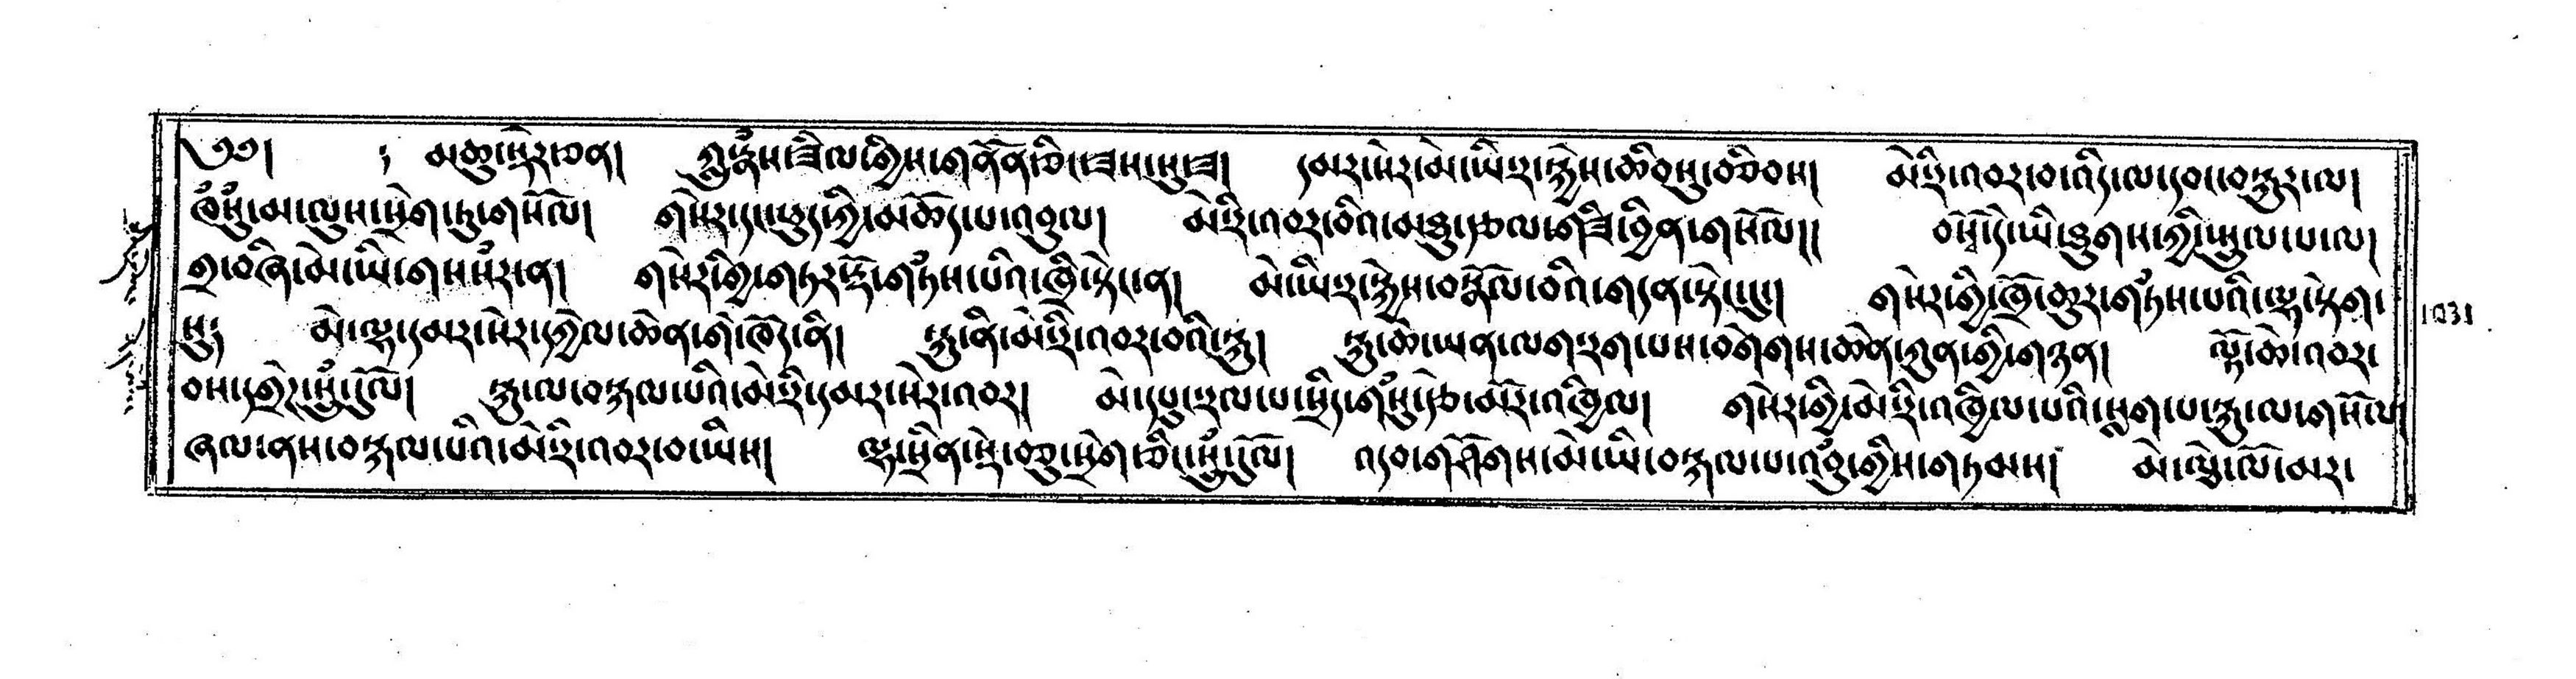མཆུ་སྡེར་ཅན། ཀླུ་རྣམས་ཟིལ་གྱིས་གནོན་ཅིང་ཟས་སུ་ཟ། དམར་སེར་མེ་ཡི་ར་སྐྱེས་ཆིབས་སུ་བཅིབས། མེ་རི་འབར་བ་འདི་ལ་དབང་བསྐུར་ལ། 
ཁམས་གསུམ་མ་ལུས་སྲེག་ཏུ་གསོལ། གསེར་དང་ཕུད་ཀྱི་མཆོད་པ་འབུལ། མེ་རི་འབར་བའི་མཐུ་རྩལ་གཟི་བྱིན་གསོལ།། བསྭོ་དེ་ཡི་ཐུགས་ཀྱི་སྤྲུལ་པ་ལ། 
གྲ་བཞི་མེ་ཡི་གསས་མཁར་ན། གསེར་གྱི་གཏར་རྡོ་གཏམས་པའི་ཁྲི་སྟེང་ན། མེ་ཡི་ར་སྐྱེས་བསྣོལ་བའི་གདན་སྟེང་དུ། གསེར་གྱི་ཁྲོ་ཆུར་གཏམས་པའི་ལྷ་སྟེགས་
སུ། མེ་ལྷ་དམར་སེར་དཀྱེལ་ཆེན་གེ་ཁོད་ནི། སྐུ་ནི་མེ་རི་འབར་བའི་སྐུ། སྐུ་ཆེ་ཡན་ལག་རག་པས་བགེགས་ཆེན་ཀུན་གྱི་གཉན། ལྟོ་ཆེ་འབར་
བས་དགྲ་བགེགས་སྲུང་དུ་གསོལ། སྐུ་ལ་བསྐལ་པའི་མེ་རི་དམར་སེར་འབར། མེ་དཔུང་རལ་པ་སྲིད་གསུམ་རྩེ་མོར་འཁྱིལ། གསེར་གྱི་མེ་རི་འཁྱིལ་པའི་སླག་པ་སྐུ་ལ་གསོལ། 
ཞལ་ནས་བསྐལ་པའི་མེ་རི་འབར་བ་ཡིས། ལྷ་སྲིན་སྡེ་བཅུ་སྲེག་ཅིང་སྲུང་དུ་གསོལ། འདབ་གཤོགས་མེ་ཡི་བསྐལ་པ་འབུམ་གྱིས་གཏམས། མེ་ལྕེ་ལོ་མར་